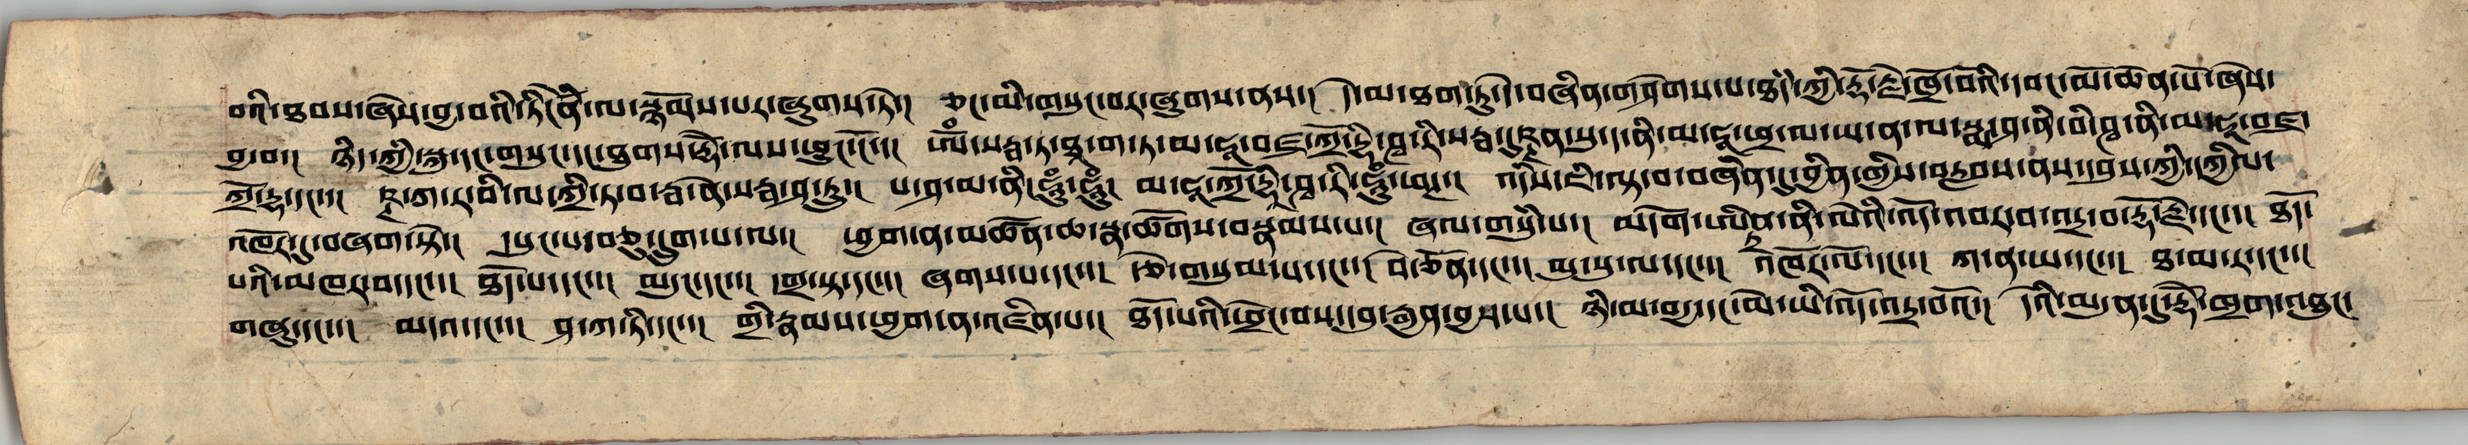བའི་ཐབས་ཞེས་བྱ་བའི་ཏིངེཛིན་ལ་སྙོམས་པར་ཞུགས་ཏེ་། ཅང་མི་གསུང་བར་ཞུགས་ནས་། དེ་མ་ཐག་ཏུ་དེ་བཞིན་གཤེགས་པ་ཐཾད་ཀྱི་རྡོ་རྗེ་ཁྲོ་བོའི་དབང་མོ་ཆེན་པོ་ཞེས་
བྱ་བ་། ཉིད་ཀྱི་སྐུ་དང་གསུང་དང་ཐུགས་རྡོེ་ལས་ཕྱུང་ངོ་་། ཨོཾ་སརྦ་ཏ་ཐཱ་ག་ཏ་མ་ཧཱ་བཛྲ་ཀྲོ་དྷི་ཤྭ་རི་སརྦ་དུཥྚན་སུ་ད་ནི་མ་ཧཱ་ཕྲ་མ་ཡ་ན་ལ་སྨ་ཤ་ནི་བི་ཤྭ་ནི་མ་ཧཱ་བཛྲ་
ཀྲོ་དྷ་དང་། ཥྚ་ཀ་ཏ་བི་ལ་ཀྲི་ཏ་བ་རྦ་ནེ་སརྦ་ཤ་ཏྲུང་། པ་ཤ་མ་ནི་ཧཱུཾ་ཧཱུཾ། མ་ཧ་ཱ་ཀྲོ་དྷཱི་ཤྭ་རི་ཧཱུཾ་ཕཊ་། འདིས་ཇི་ལྟ་བ་བཞིན་དུ་བྱིན་གྱིས་བརླབས་ནས་དབུས་ཀྱི་དཀྱིལ་
འཁོར་དུ་བཞག་སྟེ་། དཔུང་པ་བཅུ་དྲུག་པ་ལ་། ཕྱག་ན་མཚོན་ཆ་སྣ་ཚོགས་བསྣམས་པ་། ཞལ་གསུཾ་པ་། མདོག་ཨིནྡྲ་ནི་ལེའི་འདོ་འབར་བ་འདྲ་བ་རྡོ་རྗེ་དང་་། ཐཾད་
པའི་མཁར་བ་དང་་། ཐོད་པ་དང་་། མདུང་དང་་། དགྲ་སྟ་དང་་། ཞགས་པ་དང་་། རྩེ་གསུམ་པ་དང་་། བེ་ཅོན་དང་་། མུ་སུ་ལ་དང་་། འཁོར་ལོ་དང་་། ཀ་ན་ཡ་དང་་། ཐ་མ་ར་དང་་།
གཞུ་དང་་། མདའ་དང་་། ཤ་ཀ་ཏི་དང་་། གྲི་རྣམས་ཕྱག་ན་འཛིན་པ་། ཐོད་པའི་ཕྲེང་བས་དབུ་རྒྱན་བྱས་པ་། ཉི་མ་བདྱ་དང་མེ་ཡི་འོད་འདྲ་བའོ་། དེའི་མདུན་དུ་རྡོེ་ཁྲག་འཐུང་